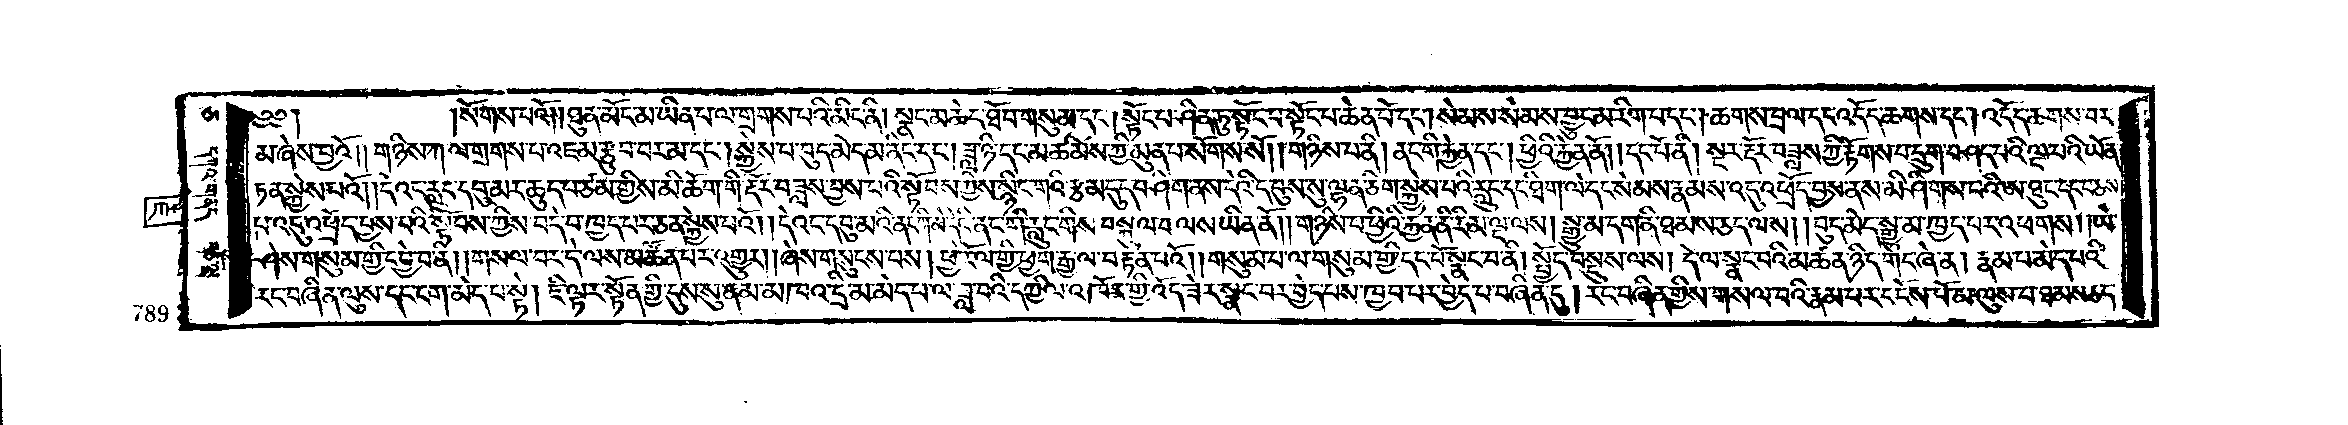༄༅། །སོགས་པའོ། །ཐུན་མོང་མ་ཡིན་པ་ལ་གྲགས་པའི་མིང་ནི། སྣང་མཆེད་ཐོབ་གསུམ་དང་། སྟོང་པ་ཤིན་ཏུ་སྟོང་པ་སྟོང་པ་ཆེན་པོ་དང་། སེམས་སེམས་བྱུང་མ་རིག་པ་དང་། ཆགས་བྲལ་དང་འདོད་ཆགས་དང་། འདོད་ཆགས་བར་
མ་ཞེས་བྱའོ། །གཉིས་ཀ་ལ་གྲགས་པ་འཇམ་རྩུབ་བར་མ་དང་། སྐྱེས་པ་བུད་མེད་མ་ནིང་དང་། ཟླ་ཉི་དང་མཚམས་ཀྱི་མུན་པ་སོགས་སོ། །གཉིས་པ་ནི། ནང་གི་རྐྱེན་དང་། ཕྱིའི་རྐྱེན་ནོ། །དང་པོ་ནི། སྔར་རྡོར་བཟླས་ཀྱི་རྟོགས་པ་དྲུག་བཤད་པའི་ལྔ་པའི་ཡོན་
ཏན་སྐྱེས་པའོ། །དེའང་རླུང་དབུ་མར་ཆུད་པ་ཙམ་གྱིས་མི་ཆོག་གི་རྡོར་བཟླས་བྱས་པའི་སྟོབས་ཀྱིས་སྙིང་གའི་རྩ་མདུད་བཤིག་ནས་དེའི་དབུས་སུ་ལྷན་ཅིག་སྐྱེས་པའི་རླུང་དང་ཐིག་ལེ་དང་སེམས་རྣམས་འདུ་འཕྲོད་བྱས་ནས་མི་ཤིགས་པའི་ཨ་ཐུང་དང་བཅས་
པ་འདུ་འཕྲོད་བྱས་པའི་སྟོབས་ཀྱིས་བདེ་བ་ཁྱད་པར་ཅན་སྐྱེས་པའོ། །དེའང་དབུ་མའི་ནང་གི་མེ་དེའི་ནང་གི་རླུང་གིས་བསྐུལ་བ་ལས་ཡིན་ནོ། །གཉིས་པ་ཕྱིའི་རྐྱེན་ནི་རིམ་ལྔ་ལས། སྒྱུ་མ་དག་ནི་ཐམས་ཅད་ལས། །བུད་མེད་སྒྱུ་མ་ཁྱད་པར་འཕགས། །ཡེ་
ཤེས་གསུམ་གྱི་དབྱེ་བ་ནི། །གསལ་བར་དེ་ལས་མཚོན་པར་འགྱུར། །ཞེས་གསུངས་པས། ཕྱི་རོལ་གྱི་ཕྱག་རྒྱ་ལ་བརྟེན་པའོ། །གསུམ་པ་ལ་གསུམ་གྱི་དང་པོ་སྣང་བ་ནི། སྤྱོད་བསྡུས་ལས། དེ་ལ་སྣང་བའི་མཚན་ཉིད་གང་ཞེ་ན། རྣམ་པ་མེད་པའི་
རང་བཞིན་ལུས་དང་ངག་མེད་པ་སྟེ། ཇི་ལྟར་སྟོན་གྱི་དུས་སུ་ནམ་མཁའ་དྲི་མ་མེད་པ་ལ་ཟླ་བའི་དཀྱིལ་འཁོར་གྱི་འོད་ཟེར་སྣང་བར་བྱེད་པས་ཁྱབ་པར་བྱེད་པ་བཞིན་དུ། རང་བཞིན་གྱིས་གསལ་བའི་རྣམ་པར་དངོས་པོ་མ་ལུས་པ་ཐམས་ཅད་